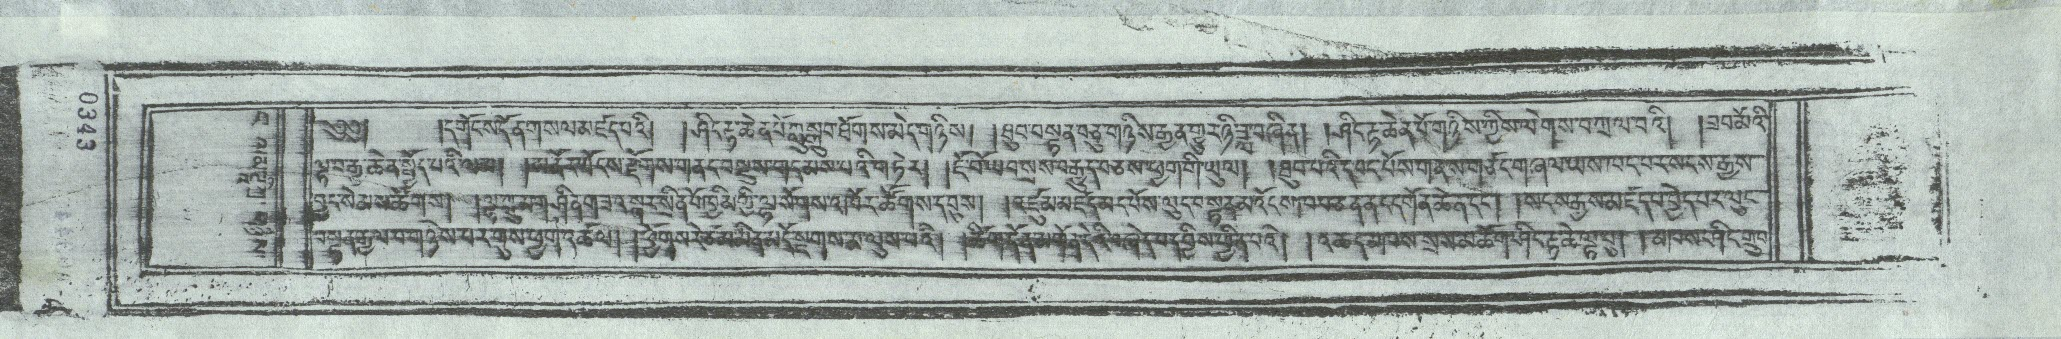༄༅། །དགོངས་དོན་གསལ་མཛད་པའི། །ཤིང་རྟ་ཆེན་པོ་ཀླུ་སྒྲུབ་ཐོགས་མེད་གཉིས། །ཐུབ་བསྟན་བཅུ་གཉིས་རྒྱན་གྱུར་ཉི་ཟླ་བ་ཞིན། །ཤིང་རྟ་ཆེན་པོ་གཉིས་ཀྱིས་ལེགས་བཀྲལ་བའི། །ཟབ་མོའི་
ལྟ་བ་རྒྱ་ཆེན་སྦྱོད་པའི་ལམ། །མནོར་ཡོངས་རྫོགས་གནང་བསྡུས་གདམས་པའི་གཏེར། །ཇོ་བོ་ཡབ་སྲས་བརྒྱུད་བཅས་ཕྱག་གི་ཡུལ། །ཐུབ་པའི་དབང་པོས་གནས་གཙང་གཞལ་ཡས་ཁང་བར་སངས་རྒྱས་
བྱང་སེམས་ཚོགས། །ལྷ་ཀླུ་མ་གཤིན་གཟའ་སྐར་སྲིན་པོ་ཁྱིམ་གྱི་ལྷ་སོགས་འཁོར་ཚོགས་དབུས། །འཛུམ་མཛད་མ་དཔོས་ལུང་བསྟན་མ་འོངས་ཁ་བ་ཅན་ནང་དགོན་ཆེན་དང་། །སངས་རྒྱས་མཛད་པ་བྱེད་པར་ལུང་
བསྟན་རྒྱལ་བ་གཉེས་པར་གུས་ཕྱག་འཚལ། །ཕྱོགས་རེ་ཙམ་མིན་མདོ་སྔགས་མ་ལུས་པའི། །ཚིག་དོན་མགོན་དེའི་བཞེད་པ་དབྱིས་ཕྱིན་མའི། །འཆད་མཁས་སྲས་མཆོག་ཤིང་རྟ་ཆེ་ལྟ་བུ། །མཁས་ཤིང་གྲུབ་